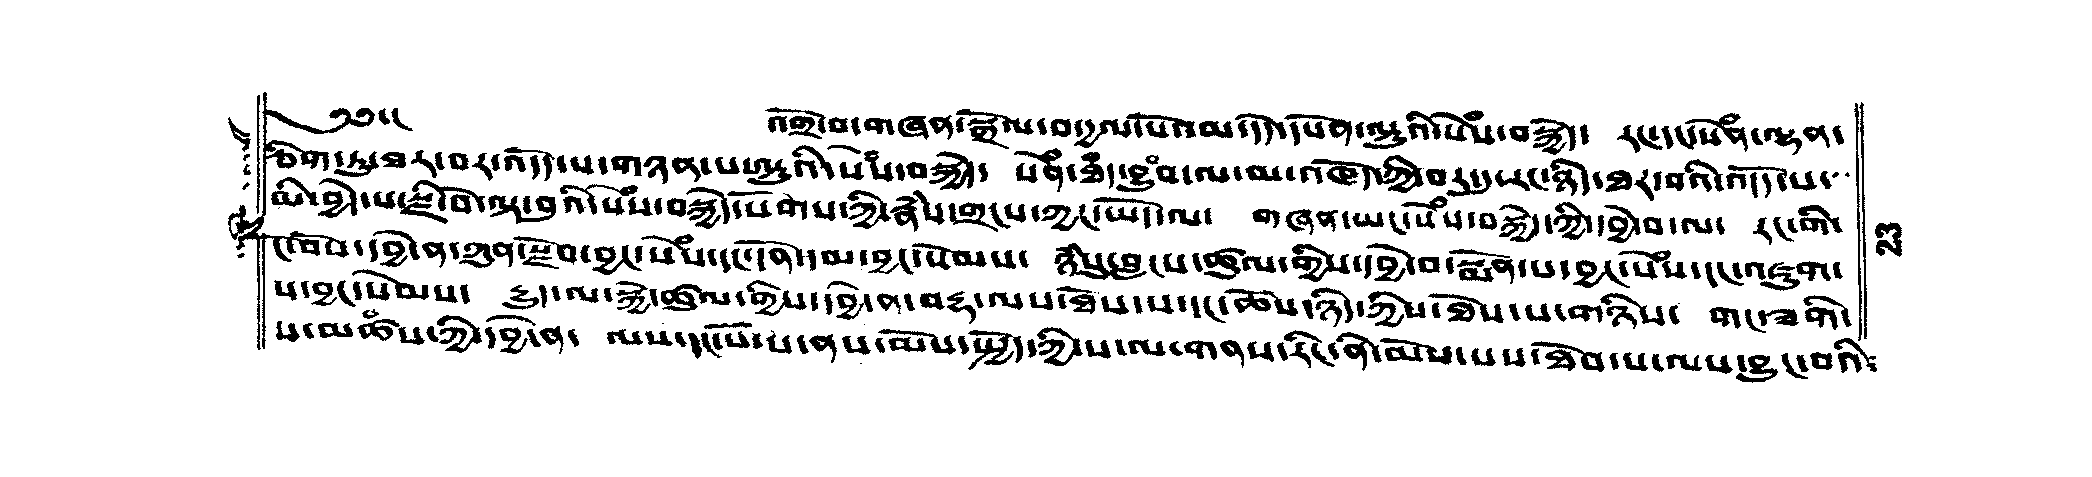འགྲོ་བ་གཞན་སྒྲོལ་བ་རྒྱལ་པོའམ་དེད་དཔོན་ལྟ་བུའི་སེམས་བསྐྱེད། རང་དང་སེམས་ཅན་ལྷན་
ཅིག་ཏུ་ཐར་བར་འདོད་པ་གཉན་པ་ལྟ་བུའི་སེམས་བསྐྱེད། སེམས་ཅན་ཐམས་ཅད་བྱང་ཆུབ་ལས་མ་འཁོད་ཀྱི་བར་དུ་རང་ཉིད་ཐར་བའི་འདོད་པ་
མི་བྱེད་པ་རྫི་བོ་ལྟ་བུའི་སེམས་བསྐྱེད་སོགས་ཀྱི་རྣམས་གྲངས་ཀྱང་ཡོད་ལ། གཞན་ཡང་སེམས་བསྐྱེད་ཀྱི་དབྱེ་བ་ལ། རང་གི་
ངོ་བོས་དབྱེ་ན་ཀུན་རྫོབ་བྱང་སེམས་དང་དོན་མ་བྱང་སེམས།་་་་རྒྱུད་ལ་སྐྱེ་ཚུལ་གྱིས་དབྱེ་ན་བརྡ་ལས་ཐོས་པ་དང་ཆོས་ཉིད་ཀྱིས་ཐོས་པ་གཉིས། གང་ཟག་གི་
ས་མཚམས་ཀྱི་དབྱེ་ན། ལས་དང་པོ་ས་ནས་མོས་སྤྱོད་ཀྱི་ས་ལ་གནས་རིང་ནི་མོས་པས་ཐོབ་པ་ལས་བྱུང་བའི་